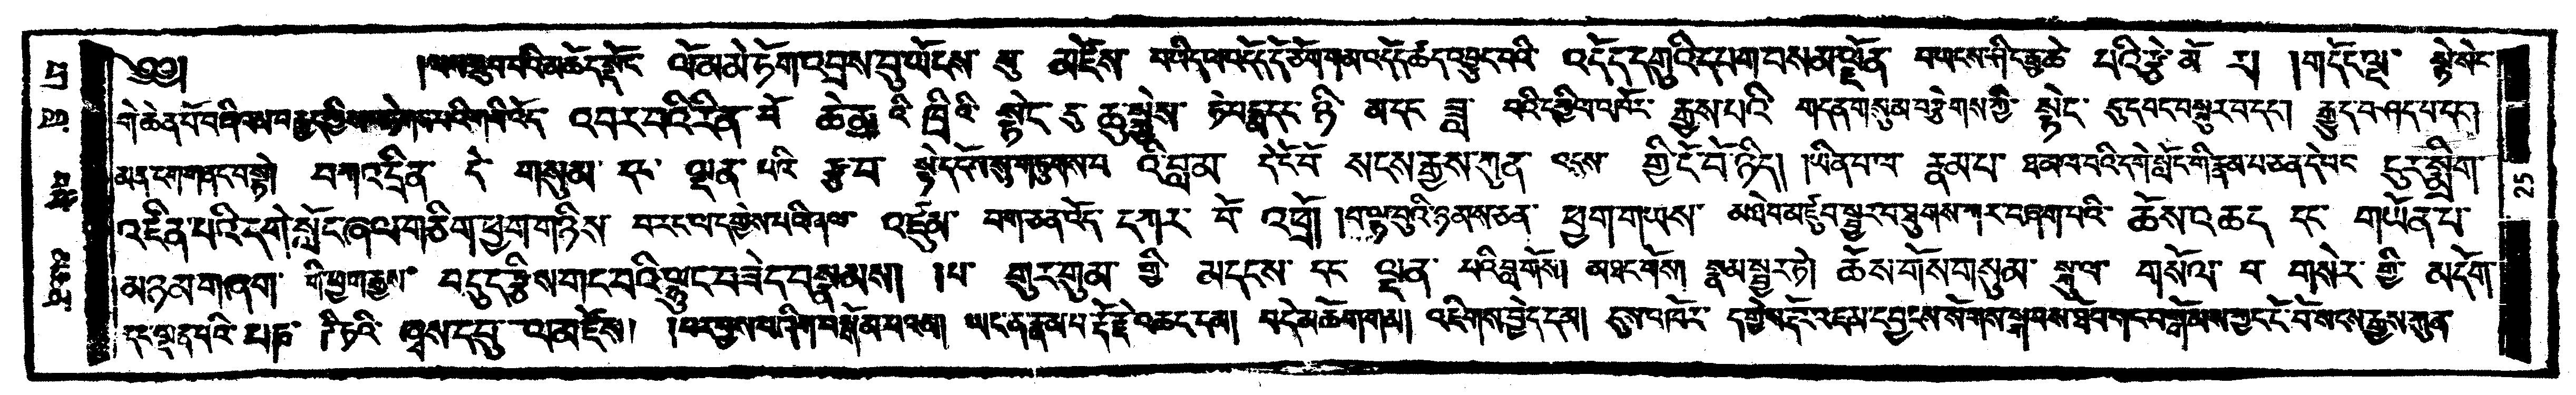༄༅། །བས་གྲུབ་པའི་མཆོད་སྡོང་ལོ་མ་མེ་ཏོག་འབྲས་བུ་ཡོངས་སུ་མཛེས་པའི་དལ་འདོད་དོ་ཅོག་གམ་འདོད་ཚད་འབྱུང་བའི་འདོད་དགུའི་དཔག་བསམ་ལྗོན་པ་ཡངས་ཤིང་རྒྱ་ཆེ་པའི་རྩེ་མོར། །གདོང་ལྔ་སྟེ་སེང་
གེ་ཆེན་པོ་བཞིའམ་བརྒྱད་ཀྱིས་བརྩེགས་པའི་གཟི་འོད་འབར་བའི་རིན་པོ་ཆེ་མའི་ཁྲིའི་སྟེང་དུ་ཆུ་སྐྱེས་ཏེ་པདམ་དང་ཉི་མ་དང་ཟླ་བའི་དཀྱིལ་འཁོར་རྒྱས་པའི་གདན་གསུམ་བརྩེགས་ཀྱི་སྟེང་དུ་དབང་བསྐུར་བ་དང་། རྒྱུད་བཤད་པ་དང་།
མན་ངག་གནང་བ་སྟེ། བཀའ་དྲིན་དེ་གསུམ་དང་ལྡན་པའི་རྩ་བ་སྟེ་དངོས་སུ་གཏུགས་པའི་བླ་མ་དེ་ངོ་བོ་སངས་རྒྱས་ཀུན་འདུས་གྱི་ངོ་བོ་ཉིད། །ཡིན་པ་ལ་རྣམ་པ་ཐ་མལ་བའི་དགེ་སློང་གི་རྣམ་པ་ཅན་དེ་བང་ངུར་སྨྲིག་
འཛིན་པའི་དགེ་སློང་ཞལ་གཅིག་ཕྱག་གཉིས་པ་རང་ལ་དགྱེས་པའི་ཞལ་འཛུམ་བག་ཅན་འོད་དཀར་པོ་འཕྲོ། །བ་ལྟ་བུའི་ཉམས་ཅན་ཕྱག་གཡས་མཐེབ་མཛུབ་སྦྱར་བ་ཐུགས་ཀར་བཞག་པའི་ཆོས་འཆད་དང་གཡོན་པ་
མཉམ་གཞག་གི་ཕྱག་རྒྱས་བདུད་རྩིས་གང་བའི་ལྷུང་བཟེད་བསྣམས། །པ་གུར་གུམ་གྱི་མདངས་དང་ལྡན་པའི་བླ་གོས། མཐང་གོས། སྣམ་སྦྱར་ཏེ། ཆོས་གོས་གསུམ་སྐུ་ལ་གསོལ་པ་གསེར་གྱི་མདོག་
དང་ལྡན་པའི་པཎ་ཌི་ཏའི་ཞྭས་དབུལ་མཛེས། །པར་བྱས་བཞིག་བསྒོམ་པའམ། ཡང་ན་རྣམ་པ་རྡོ་རྗེ་འཆང་ངམ། བདེ་མཆོག་གམ། འཇིགས་བྱེད་དམ། དུས་འཁོར་དགྱེས་རྡོར་འཇམ་དབྱངས་སོགས་སྐབས་ཐོབ་གང་བསྒོམས་ཀྱང་ངོ་བོ་སངས་རྒྱས་ཀུན་